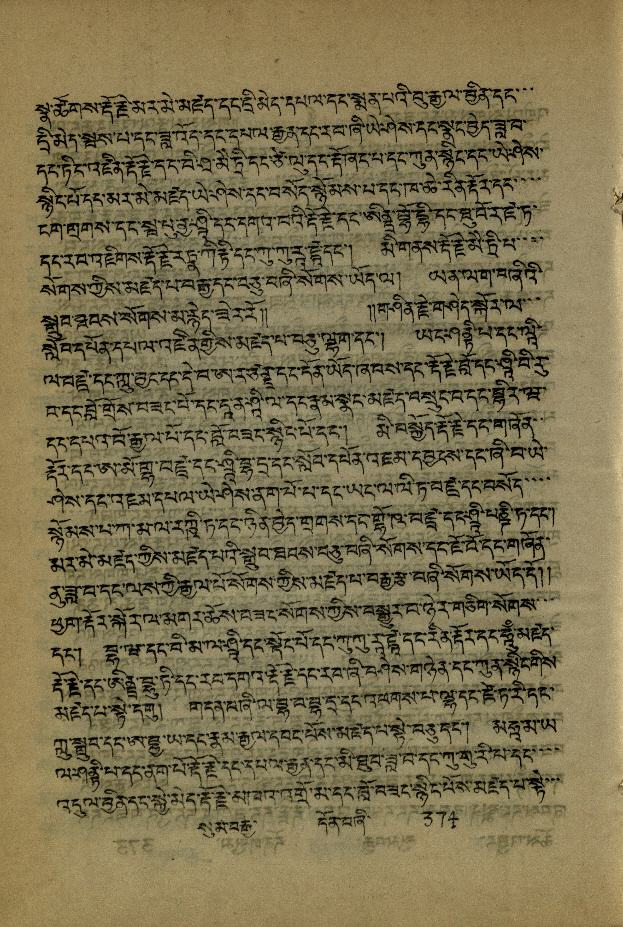སྣ་ཚོགས་རྡོ་རྗེ་མར་མེ་མཛད་དང་དྲི་མེད་དཔལ་དང་སྨན་པའི་བུ་རྒྱལ་བྱིན་དང་
དྲི་མེད་སྦས་པ་དང་ཟླ་འོད་དང་དཔལ་རྒྱན་དང་རབ་ཞི་ཡེ་ཤེས་དང་སྣང་བྱེད་ཟླ་བ་
དང་ཏིང་འཛིན་རྡོ་རྗེ་དང་བི་ཤྲ་མཻ་ཏྲི་དང་རྩེ་ལུ་དང་རྡོ་ཞང་བ་དང་ཀུན་སྙིང་དང་ཡེ་ཤེས་
སྙིང་པོ་དང་མར་མེ་མཛད་ཡེ་ཤེས་དང་བསོད་སྙོམས་པ་དང་ཁ་ཚེ་རིན་རྡོར་དང་
ངག་གྲངས་དང་སྦ་པུ་ནྱ་ཤྲཱི་དང་དགའ་བའི་རྡོ་རྗེ་དང་ཨིནྡྲ་བྷོ་དྷི་དང་ཐུབ་བོ་ར་ཛ་ཏ་
དང་རབ་འཇིགས་རྡོ་རྗེ་རནྟ་ཀི་རྟི་དང་ཀུ་ཀུ་རཱ་ཛཱ་དང་། མི་གནས་རྡོ་རྗེ་མཻ་ཏྲི་པ་
སོགས་ཀྱིས་མཛད་པ་བརྒྱ་དང་བཅུ་བཞི་སོགས་ཡོད་ལ། ཡན་ལག་བཞིའི་
སྒྲུབ་ཐབས་སོགས་མ་རྙེད་ཟེར་རོ།། །།གཤིན་རྗེ་གཤེད་སྐོར་ལ་
སློབ་དཔོན་དཔལ་འཛིན་གྱིས་མཛད་པ་བཅུ་ལྷག་དང་། ཡང་ཤནྟི་པ་དང་ལཱི་
ལ་བཛྲ་དང་ཀླུ་བྱང་དང་དེ་བ་ཨ་ར་ཙནྡྲ་དང་དོན་ཡོད་ཞབས་དང་རྡོ་རྗེ་བློ་དང་ཤྲཱི་བི་རུ་
བ་དང་བློ་གྲོས་བཟང་པོ་དང་དཱ་ན་ཤཱི་ལ་དང་རྣམ་སྣང་མཛ་བསྲུང་བ་དང་བྷི་ར་ཝ་
དང་དཔའ་བོ་རྒྱལ་པོ་དང་བློ་བཟང་སྙིང་པོ་དང་། མི་བསྐྱོད་རྡོ་རྗེ་དང་གཞོན་
རྡོར་དང་ཨ་མོ་གྷ་བརྫྲ་དང་ཤྲཱི་བྷ་དྲ་དང་སློབ་དཔོན་འཇམ་དབྱངས་དང་ཞི་བ་ཡེ་
ཤེས་དང་འཇམ་དཔལ༑ ཡེ་ཤེས་ནག་པོ་པ་དང་ཡང་ལ་ལི་ཏ་བཛྲ་དང་བསོད་
སྙོམས་པ་ཀ་མ་ལ་ར་ཀྵི་ཏ་དང་ཉིན་བྱེད་གྲགས་དང་གྷོ་ཥ་བཛྲ་དང་ཤྲཱི་པཎྜི་ཏ་དང་།
མར་མེ་མཛད་ཀྱིས་མཛད་པའི་སྒྲུབ་ཐབས་བཅུ་བཞི་སོགས་དང་ཇོ་བོ་དང་ཞོན་
ནུ་ཟླ་བ་དང་ལས་ཀྱི་རྒྱལ་པོ་སོགས་ཀྱིས་མཛད་པ་བརྒྱ་རྩ་བཞི་སོགས་ཡོད་དོ། །
ཕྱག་རྡོར་སྐོར་ལ་མགར་ཆོས་བཟང་སོགས་ཀྱིས་བསྒྱུར་པ་ཉེར་གཅིག་སོགས་
དང་། བྷ་ཝ་དང་བི་མ་ལ་ཤྲཱི་དང་སྡོང་པོ་དང་ཀུ་ཀུ་རཱ་ཛཱ་དང་རིན་རྡོར་དང་ཧཱུཾ་མཛད་
རྡོ་རྗེ་དང་ཨིནྡྲ་བྷུ་ཏི༨་དང་རབ་དགའ་རྡོ་རྗེ་དང་རབ་ཞི་བཤེས་གཉེན་དང་ཀུན་སྙིང་གིས་
མཛད་པ་སྟེ་དགུ། གསན་བཞི་ལ་བྷ་བ་བྷ་དྲ་དང་འཕགས་པ་ལྷ་དང་རྫོ་ཏ་རི་དང་
ཀླུ་སྒྲུབ་དང་ཨ་བྷྱ་ཡ་དང་རྣམ་རྒྱལ་དབང་པོས་མཛད་པ་སྟེ་བཅུ་དང་། མ་ཧཱ་མ་ཡ་
ལ་ཤནྟི་པ་དང་ནག་པོ་རྡོ་རྗེ་དང་དཔལ་རྒྱན་དང་མི་ཐུབ་ཟླ་བ་དང་ཀུ་གུ་རི་པ་དང་
འདུལ་བྱིན་དང་སྐྱེ་མེད་རྡོ་རྗེ་མཁའ་འགྲོ་མ་དང་བློ་བཟང་སྙིང་པོས་མཛད་པ་སྟེ་